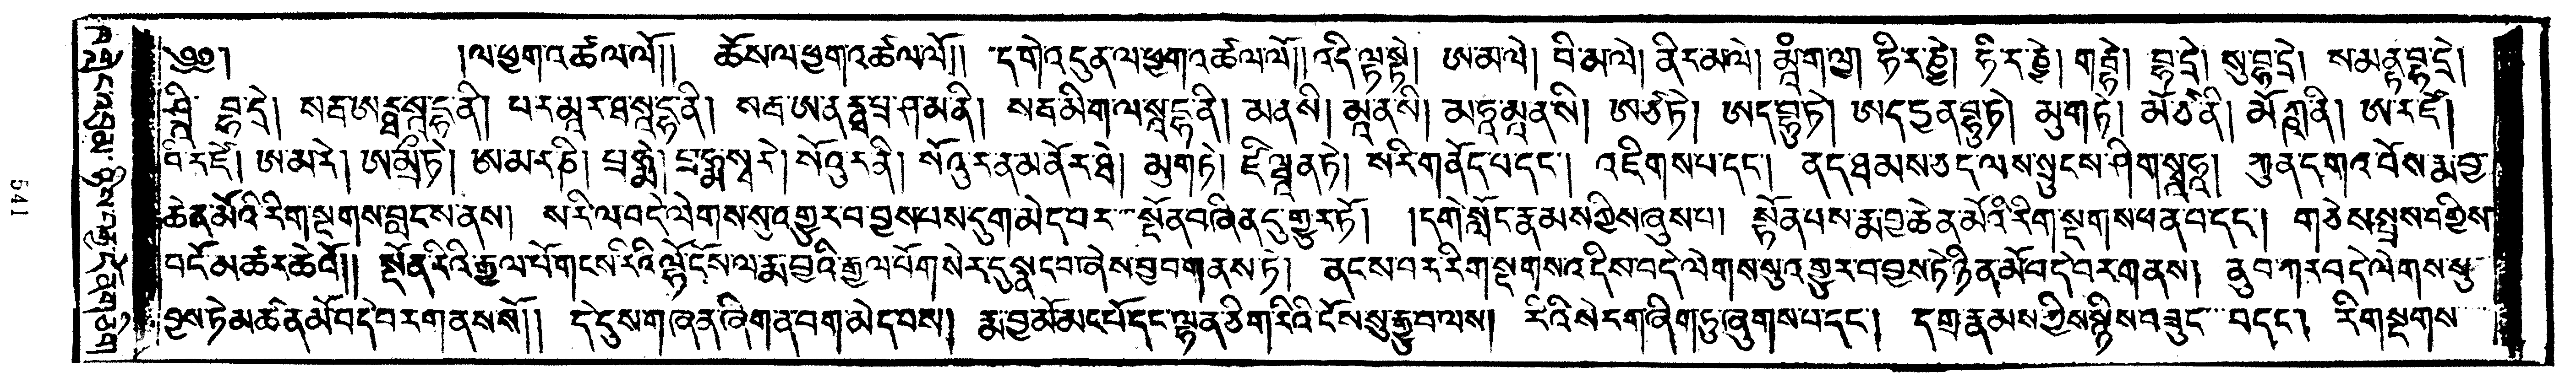༄༅། །ལ་ཕྱག་འཚལ་ལོ།། ཆོས་ལ་ཕྱག་འཚལ་ལོ།། དགེ་འདུན་ལ་ཕྱག་འཚལ་ལོ།། འདི་ལྟ་སྟེ། ཨ་མ་ལེ། བི་མ་ལེ། ནིར་མ་ལེ། མཱཾ་ག་ལྱ། ཧི་ར་ཎྱེ། ཧི་ར་ཎྱེ། གརྦྷེ། བྷ་དྲེ། སུ་བྷ་དྲེ། ས་མནྟ་བྷ་དྲེ།
ཤྲཱི་བྷ་དྲེ། སརྦ་ཨརྠ་སཱ་དྷ་ནི། པ་ར་མཱར་ཐ་སཱ་དྷ་ནི། སརྦ་ཨ་ནརྠ་པྲ་ཤ་མ་ནི། སརྦ་མི་ག་ལ་སཱ་དྷ་ནི། མ་ན་སི། མཱ་ན་སི། མ་ཧཱ་མཱ་ན་སི། ཨ་ཙ་ཏེ། ཨད་བྷུ་ཏེ། ཨད་དྱན་བྷུ་ཏེ། མུ་གཏེ། མོ་ཙཻ་ནི། མོཀྵ་ནི། ཨ་ར་ཛེ།
བི་ར་ཛེ། ཨ་མ་རེ། ཨ་མྲྀ་ཏེ། ཨ་མ་ར་ཎི། པྲ་ཧྨེ། པྲཧྨ་སྭ་རེ། སོའུ་ར་ནི། སོའུ་ར་ན་མ་ནོ་ར་ཐེ། མུག་ཏེ། ཛིཝཱན་ཏེ། ས་རི་གནོད་པ་དང་། འཇིགས་པ་དང་། ནད་ཐམས་ཅད་ལས་སྲུངས་ཤིག་སྭཱ་ཧཱ། ཀུན་དགའ་བོས་རྨ་བྱ་
ཆེན་མོའི་རིག་སྔགས་བླངས་ནས། ས་རི་ལ་བདེ་ལེགས་སུ་འགྱུར་བ་བྱས་པས་དུག་མེད་བར་སྔོན་བཞིན་དུ་གྱུར་ཏོ། །དགེ་སློང་རྣམས་ཀྱིས་ཞུས་པ། སྟོན་པས་རྨ་བྱ་ཆེན་མོའི་རིག་སྔགས་ཕན་པ་དང་། གཅེས་སྤྲས་བགྱིས་
བ་ངོ་མཚར་ཆེའོ།། སྔོན་རིའི་རྒྱལ་པོ་གངས་རིའི་ལྷོ་ངོས་ལ་རྨ་བྱའི་རྒྱལ་པོ་གསེར་དུ་སྣང་བ་ཞེས་བྱ་བ་གནས་ཏེ། ནངས་པར་རིག་སྔགས་འདིས་བདེ་ལེགས་སུ་འགྱུར་བ་བྱས་ཏེ་ཉིན་མོ་བདེ་བར་གནས། ནུབ་ཀར་བདེ་ལེགས་སུ་
བྱས་ཏེ་མཚན་མོ་བདེ་བར་གནས་སོ།། དེ་དུས་གཞན་ཞིག་ན་བག་མེད་བས། རྨ་བྱ་མོ་མང་པོ་དང་ལྷན་ཅིག་རིའི་ངོས་སུ་རྒྱུ་བ་ལས། རིའི་སེང་ག་ཞིག་ཏུ་ཞུགས་པ་དང་། དགྲ་རྣམས་ཀྱིས་སྙིས་བཟུང་བ་དང་། རིག་སྔགས་